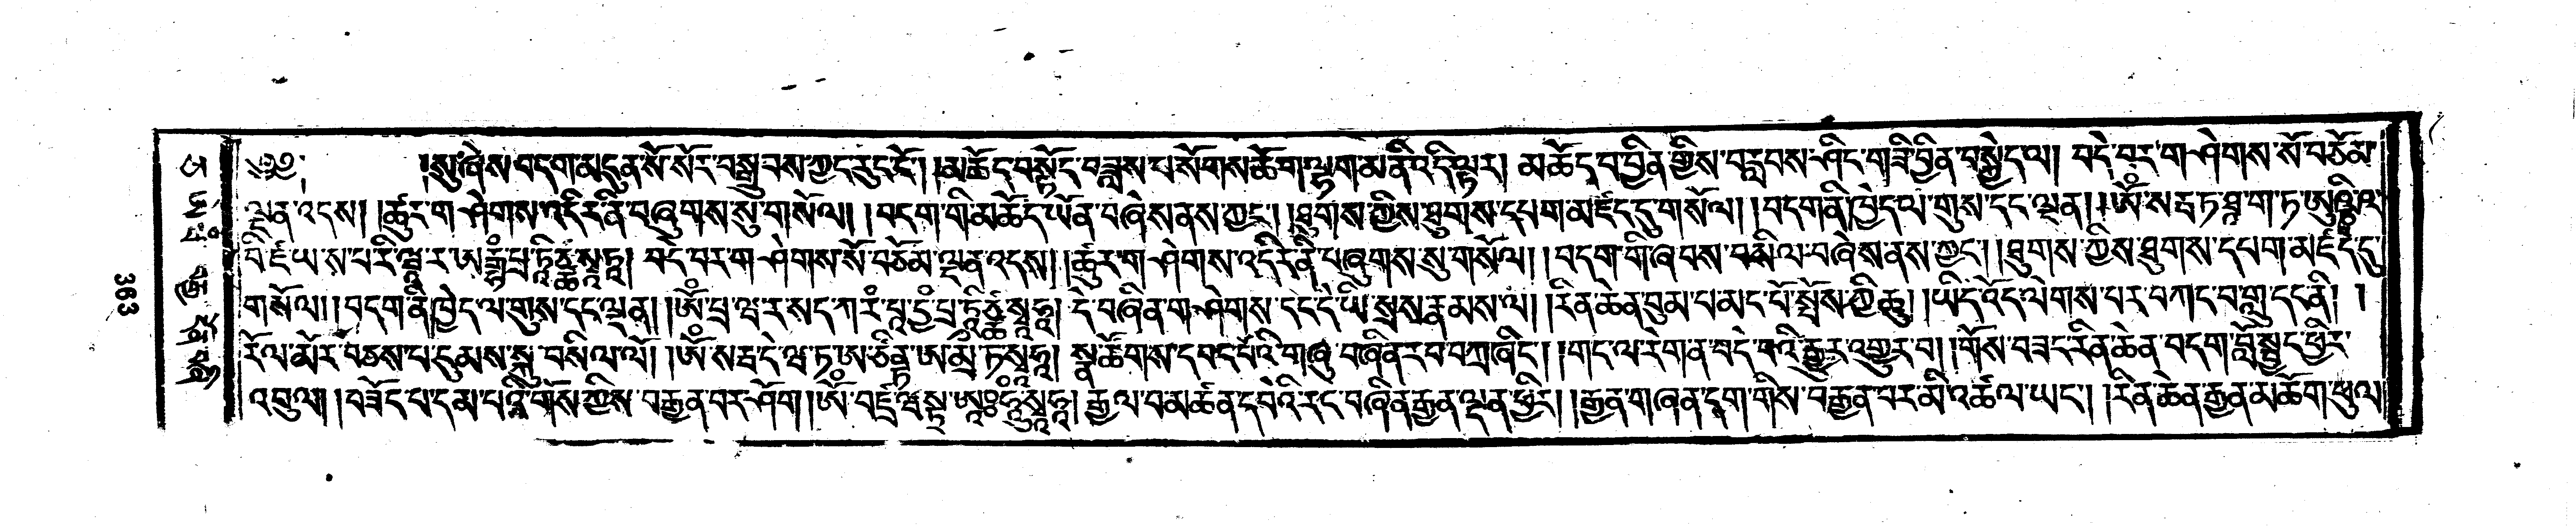༄༅། །སུ་ཞེས་བདག་མདུན་སོ་སོར་བསྒྲུབས་ཀྱང་རུང་ངོ། །མཆོད་བསྟོད་བཟླས་པ་སོགས་ཆོ་ག་ལྷག་མ་ནི་འདི་ལྟར། མཆོད་པ་བྱིན་གྱིས་བརླབས་ཤིང་གཟི་བྱིན་བསྐྱེད་ལ། བདེ་བར་གཤེགས་སོ་བཅོམ་
ལྡན་འདས། །ཚུར་གཤེགས་འདིར་ནི་བཞུགས་སུ་གསོལ། །བདག་གི་མཆོད་ཡོན་བཞེས་ནས་ཀྱང་། །ཐུགས་ཀྱིས་ཐུགས་དཔག་མཛད་དུ་གསོལ། །བདག་ནི་ཁྱེད་ལ་གུས་དང་ལྡན། །ཨོཾ་སརྦ་ཏ་ཐཱ་ག་ཏ་ཨུཥྞཱི་ཥ་
བི་ཛ་ཡ་ས་པ་རི་ཝཱ་ར་ཨརྒྷཾ་པྲ་ཏཱི་ཙྪ་སྭཱཧཱ། བདེ་བར་གཤེགས་སོ་བཅོམ་ལྡན་འདས། །ཚུར་གཤེགས་འདིར་ནི་བཞུགས་སུ་གསོལ། །བདག་གི་ཞབས་བསིལ་བཞེས་ནས་ཀྱང་། །ཐུགས་ཀྱིས་ཐུགས་དཔག་མཛད་དུ་
གསོལ། །བདག་ནི་ཁྱེད་ལ་གུས་དང་ལྡན། །ཨོཾ་པྲ་ཝ་ར་སད་ཀ་རཾ་པཱ་དྱཾ་པྲ་ཏཱིཙྪ་སྭཱཧཱ། དེ་བཞིན་གཤེགས་དང་དེ་ཡི་སྲས་རྣམས་ལ། །རིན་ཆེན་བུམ་པ་མང་པོ་སྤོས་ཀྱི་ཆུ། །ཡིད་འོང་ལེགས་པར་བཀང་བ་གླུ་དང་ནི།།
རོལ་མོར་བཅས་པ་དུ་མས་སྐུ་བསིལ་ལོ། །ཨོཾ་སརྦ་དེ་ཝ་ཏ་ཨ་ཙནྟི་ཨ་མྲྀ་ཏ་སྭཱཧཱ། སྣ་ཚོགས་དབང་པོའི་གཞུ་བཞིན་རབ་བཀྲ་ཞིང་། །གང་ལ་རེག་ན་བདེ་བའི་རྒྱུར་འགྱུར་བ། །གོས་བཟང་རིན་ཆེན་བདག་བློ་སྦྱང་ཕྱིར་
འབུལ། །བཟོད་པ་དམ་པའི་གོས་ཀྱིས་བརྒྱན་པར་ཤོག །ཨོཾ་བཛྲ་ཝསྟྲ་ཨཱཿ ཧཱུཾ་སྭཱཧཱ། རྒྱལ་བ་མཚན་དཔེའི་རང་བཞིན་རྒྱན་ལྡན་ཕྱིར། །རྒྱན་གཞན་དག་གིས་བརྒྱན་པར་མི་འཚལ་ཡང་། །རིན་ཆེན་རྒྱན་མཆོག་ཕུལ་